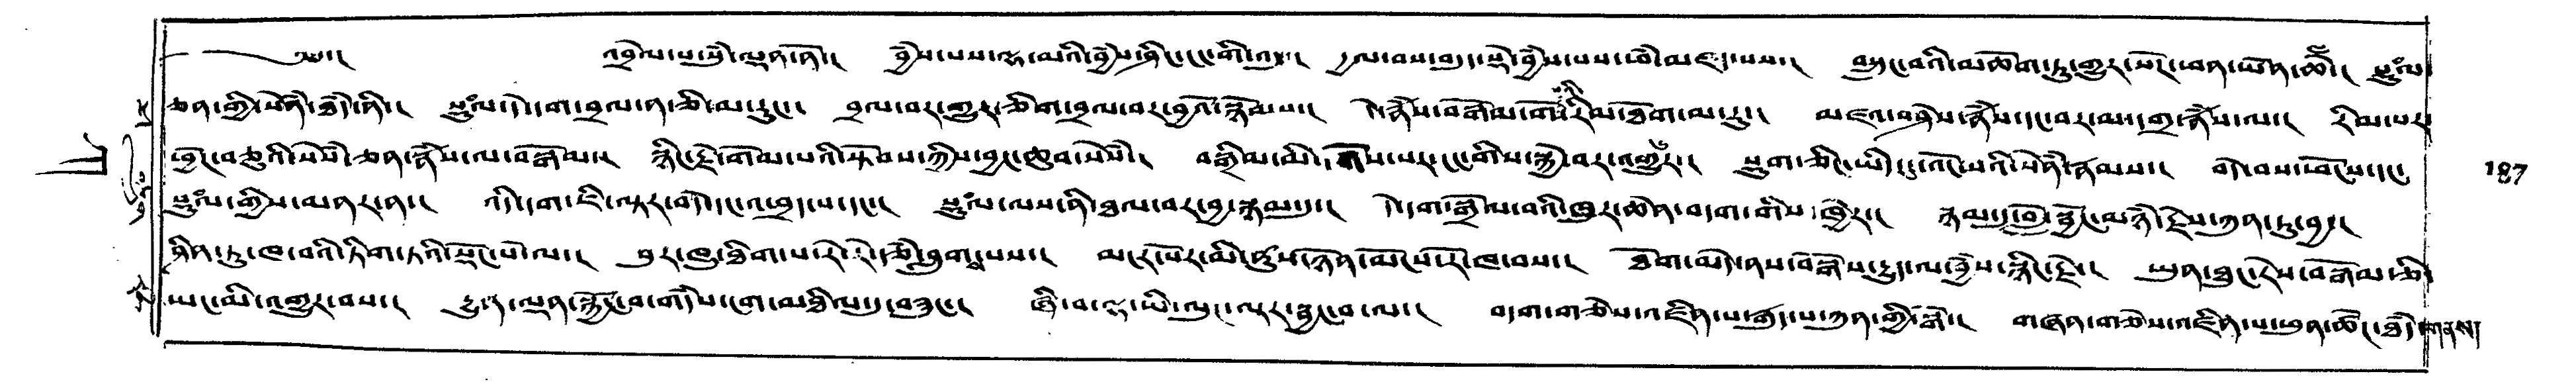འབྲེལ་བ་སུམ་ལྡན་ནོ། །བྱམས་པས་ལྷ་མིའི་བྱམས་ཤིང་ངང་གི་འདུ། །རྒྱལ་བས་བདུད་སྡེ་བྱམས་པས་ཕམ་མཛད་པས། །བསྲུང་བའི་མཆོག་ཏུ་གྱུར་སོགས་ཕན་ཡོན་ཆེ། །སྡུག་བསྔལ་
ཅན་གྱི་སེམས་ཅན་ཐམས་ཅད་ནི། །སྡུག་བསྔལ་དེ་དག་བྲལ་ན་ཅི་མ་རུང་། །བྲལ་བར་གྱུར་ཅིག་བྲལ་བར་བྱའོ་སྙོམས། །དེ་རྣམས་བསྒོམ་པའི་གོ་རིམ་ཐོག་མ་རུ། །མཛའ་བཤེས་རྣམས་དང་བར་མ་དགྲ་རྣམས་ལ། །རིམ་པར་
ཕྱོགས་བཅུའི་སེམས་ཅན་རྣམས་ལ་བསྒོམ། །སྙིང་རྗེ་གོམས་པའི་སྟོབས་ཀྱིས་བྱང་ཆུབ་སེམས། །བསྒྲིམ་མི་དགོས་པར་ངང་གིས་སྐྱེ་བར་འགྱུར། །སྡུག་ཅིང་ཡིད་དུ་འོང་བའི་སེམས་ཅན་རྣམས། །བདེ་བས་ཕོངས་དང་
སྡུག་བསྔལ་གྱིས་མནར་ན། །འདི་དག་ཇི་ལྟར་བདེ་དང་འཕྲད་པ་དང་། །སྡུག་བསྔལ་ལས་ནི་ཐར་བར་བྱ་སྙམ་དུ། །དེ་དག་སྒྲོལ་བའི་ཁུར་ཆེན་བདག་གིས་ཁྱེར། །སྙམ་དུ་བློ་སྦྱོང་མཉམ་རྗེས་ཀུན་ཏུ་བྱ། །
ཤིན་ཏུ་ཁ་བའི་ཏིག་ཏའི་སྡོང་པོ་ལ། །བུར་ཁུ་ཐིགས་པ་རེ་རེ་ཙམ་བླུགས་པས། །མངར་པོར་མི་ནུས་ཉོན་མོངས་རོ་ཁ་བས། །ཐོག་མེད་ནས་བསྒོས་རྒྱུད་ལ་བྱམས་སྙིང་རྗེས། །ཡུན་ཐུང་རེས་བསྒོམ་ཅི་
ཡང་མི་འགྱུར་བས། །རྒྱུན་ལྡན་སྐྱོང་བ་གདམས་ངག་མཐིལ་དུ་བཟུང་། །ཞི་བ་ལྷ་ཡི་ལུགས་ལྟར་སྦྱང་བ་ལ། །བདག་གཅེས་འཛིན་པ་རྒུད་པ་ཀུན་ཀྱི་སྒོ། །གཞན་གཅེས་འཛིན་པ་ཕུན་ཚོགས་ཐམས་ཅད་གནས། །